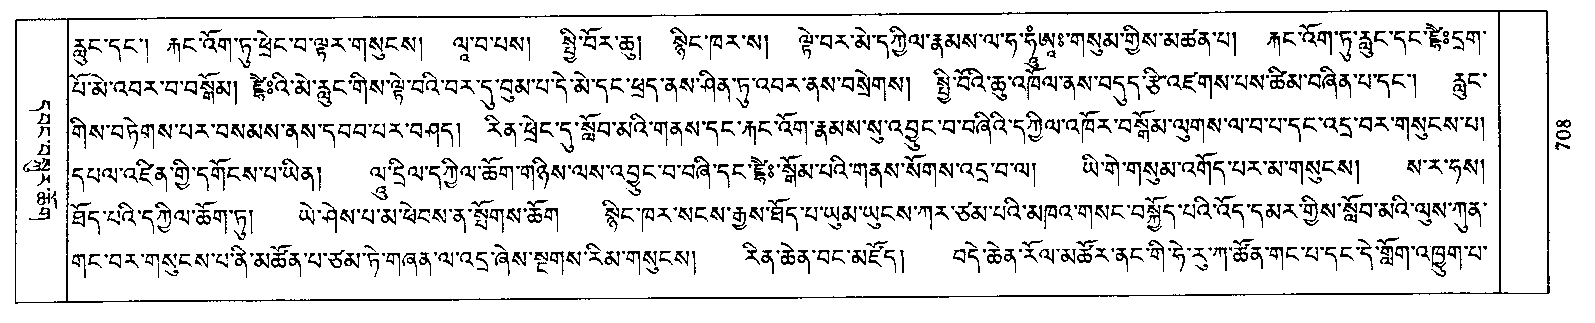རླུང་དང་། རྐང་འོག་ཏུ་ཕྲེང་བ་ལྟར་གསུངས། ལཱ་བ་པས། སྤྱི་བོར་ཆུ། སྙིང་ཁར་ས། ལྟེ་བར་མེ་དཀྱིལ་རྣམས་ལ་ཧ་ཧཱུཾ་ཨཱཿ གསུམ་གྱིས་མཚན་པ། རྐང་འོག་ཏུ་རླུང་དང་ཛྷཻཿ དྲག་
པོ་མེ་འབར་བ་བསྒོམ། ཛྷཻཿ འི་མེ་རླུང་གིས་ལྟེ་བའི་བར་དུ་བུམ་པ་དེ་མེ་དང་ཕྲད་ནས་ཤིན་ཏུ་འབར་ནས་བསྲེགས། སྤྱི་བོའི་ཆུ་འཁོལ་ནས་བདུད་རྩི་འཛགས་པས་ཚིམ་བཞིན་པ་དང་། རླུང་
གིས་བཏེགས་པར་བསམས་ནས་དབབ་པར་བཤད། རིན་ཕྲེང་དུ་སློབ་མའི་གནས་དང་རྐང་འོག་རྣམས་སུ་འབྱུང་བ་བཞིའི་དཀྱིལ་འཁོར་བསྒོམ་ལུགས་ལ་བ་པ་དང་འདྲ་བར་གསུངས་པ།
དཔལ་འཛིན་གྱི་དགོངས་པ་ཡིན། ལཱུ་དྲིལ་དཀྱིལ་ཆོག་གཉིས་ལས་འབྱུང་བ་བཞི་དང་ཛྷཻཿ སྒོམ་པའི་གནས་སོགས་འདྲ་བ་ལ། ཡི་གེ་གསུམ་འགོད་པར་མ་གསུངས། ས་ར་ཧས།
ཐོད་པའི་དཀྱིལ་ཆོག་ཏུ། ཡེ་ཤེས་པ་མ་ཕེབས་ན་སྤོགས་ཆོག་སྙིང་ཁར་སངས་རྒྱས་ཐོད་པ་ཡུམ་ཡུངས་ཀར་ཙམ་པའི་མཁའ་གསང་བསྐྱོད་པའི་འོད་དམར་གྱིས་སློབ་མའི་ལུས་ཀུན་
གང་བར་གསུངས་པ་ནི་མཚོན་པ་ཙམ་ཏེ་གཞན་ལ་འདྲ་ཞེས་སྔགས་རིམ་གསུངས། རིན་ཆེན་བང་མཛོད། བདེ་ཆེན་རོལ་མཚོར་ནང་གི་ཧེ་རུ་ཀ་ཚོན་གང་པ་དང་དེ་གློག་འཁྱུག་པ་